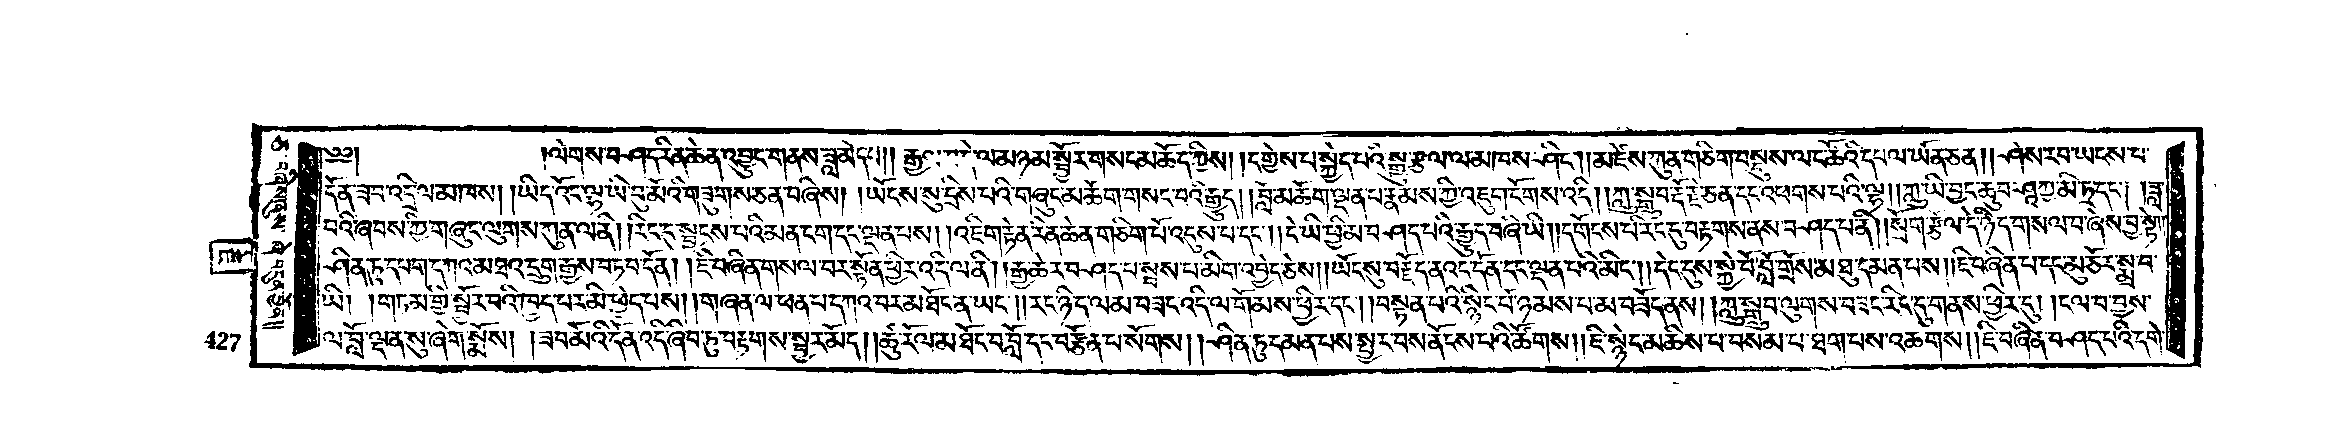༄༅། །ལེགས་བཤད་རིན་ཆེན་འབྱུང་གནས་ཟླ་མེད་པ། །རྒྱལ་བ་དེ་ལ་མཉམ་སྦྱོར་གསང་མཆོད་ཀྱིས། །དགྱེས་པ་སྐྱེད་པའི་སྒྱུ་རྩལ་ལ་མཁས་ཤིང་། །མཛེས་ཀུན་གཅིག་བསྡུས་ལ་ང་ཚོའི་དཔལ་ཡོན་ཅན། །ཤེས་རབ་ཡངས་པ་
དོན་ཟབ་འདྲི་ལ་མཁས། །ཡིད་འོང་ལྷ་ཡི་བུ་མོའི་གཟུགས་ཅན་བཞིས། །ཡོངས་སུ་དྲིས་པའི་གཞུང་མཆོག་གསང་བའི་རྒྱུད། །བློ་མཆོག་ལྡན་པ་རྣམས་ཀྱི་འཇུག་ངོགས་འདི། །ཀླུ་སྒྲུབ་རྡོ་རྗེ་ཅན་དང་འཕགས་པའི་ལྷ། །ཀླུ་ཡི་བྱང་ཆུབ་ཤཱཀྱ་མི་ཏྲ་དང་། །ཟླ་
བའི་ཞབས་ཀྱི་གཞུང་ལུགས་ཀུན་ལ་ནི། །རིང་དུ་སྦྱངས་པའི་མན་ངག་དང་ལྡན་པས། །འཇིག་རྟེན་རིན་ཆེན་གཅིག་པོ་འདུས་པ་དང་། །དེ་ཡི་ཕྱི་མ་བཤད་པའི་རྒྱུད་བཞི་ཡི། །དགོངས་པ་རིང་དུ་བརྟགས་ནས་བཤད་པ་ནི། །སྲོག་རྩོལ་དེ་ཉིད་གསལ་བ་ཞེས་བྱ་སྟེ།།
ཤིན་ཏུ་དཔག་དཀའ་མཐའ་དྲུག་རྒྱས་བཏབ་དོན། །ཇི་བཞིན་གསལ་བར་སྟོན་ཕྱིར་འདི་ལ་ནི། །རྒྱ་ཆེར་བཤད་པ་སྦས་པ་མིག་འབྱེད་ཅེས། །ཡོངས་སུ་བརྗོད་ནའང་དོན་དང་ལྡན་པའི་མིང་། །དེང་དུས་སྐྱེ་བོ་བློ་གྲོས་མཐུ་དམན་པས། །ཇི་བཞིན་པ་དང་མུ་ཅོར་སྨྲ་བ་
ཡི། །གཏམ་གྱི་སྦྱོར་བའི་ཁྱད་པར་མི་ཕྱེད་པས། །གཞན་ལ་ཕན་པ་དཀའ་བར་མཐོང་ན་ཡང་། །རང་ཉིད་ལམ་བཟང་འདི་ལ་གོམས་ཕྱིར་དང་། །བསྟན་པའི་སྙིང་པོ་ཉམས་པ་མ་བཟོད་ནས། །ཀླུ་སྒྲུབ་ལུགས་བཟང་རིང་དུ་གནས་ཕྱིར་དུ། །ངལ་བ་བྱས་
ལ་བློ་ལྡན་སུ་ཞིག་སྨོས། །ཟབ་མོའི་དོན་འདི་ཞིབ་ཏུ་བརྟགས་སྦྱར་མོད། །ཚུ་རོལ་མཐོང་བ་བློ་དང་བརྩོན་པ་སོགས། །ཤིན་ཏུ་དམན་པས་སྦྱར་པས་ནོངས་པའི་ཚོགས། །ཇི་སྙེད་མཆིས་པ་བསམ་པ་ཐག་པས་འཆགས། །ཇི་བཞིན་བཤད་པའི་དགེ་